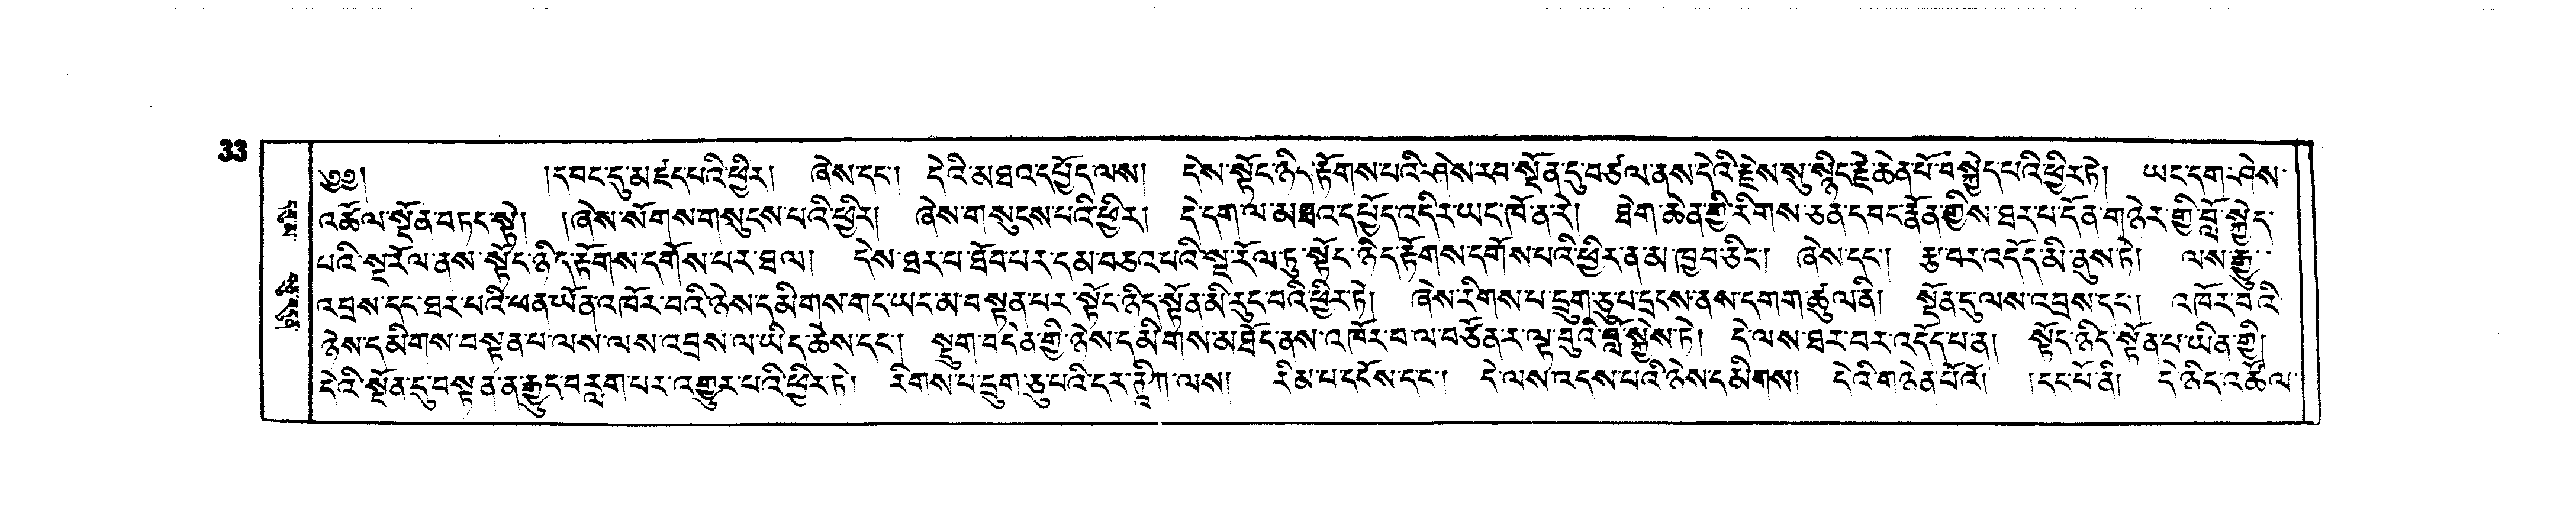༄༅། །དབང་དུ་མཛད་པའི་ཕྱིར། ཞེས་དང་། དེའི་མཐའ་དཔྱོད་ལས། དེས་སྟོང་ཉིད་རྟོགས་པའི་ཤེས་རབ་སྔོན་དུ་བཙལ་ནས་དེའི་རྗེས་སུ་སྙིང་རྗེ་ཆེན་པོ་བསྐྱེད་པའི་ཕྱིར་ཏེ། ཡང་དག་ཤེས་
འཚོལ་སྔོན་བཏང་སྟེ། །ཞེས་སོགས་གསུངས་པའི་ཕྱིར། ཞེས་གསུངས་པའི་ཕྱིར། དེ་དག་ལ་མཐའ་དཔྱོད་འདིར་ཡང་ཁོ་ན་རེ། ཐེག་ཆེན་གྱི་རིགས་ཅན་དབང་རྣོན་གྱིས་ཐར་པ་དོན་གཉེར་གྱི་བློ་སྐྱེད་
པའི་སྔ་རོལ་ནས་སྟོང་ཉིད་རྟོགས་དགོས་པར་ཐལ། དེས་ཐར་པ་ཐོབ་པར་དམ་བཅའ་པའི་སྔ་རོལ་ཏུ་སྟོང་ཉིད་རྟོགས་དགོས་པའི་ཕྱིར་ན་མ་ཁྱབ་ཅིང་། ཞེས་དང་། རྩ་བར་འདོད་མི་ནུས་ཏེ། ལས་རྒྱུ་
འབྲས་དང་ཐར་པའི་ཕན་ཡོན་འཁོར་བའི་ཉེས་དམིགས་གང་ཡང་མ་བསྟན་པར་སྟོང་ཉིད་སྟོན་མི་རུང་བའི་ཕྱིར་ཏེ། ཞེས་རིགས་པ་དྲུག་ཅུ་པ་དྲངས་ནས་དགག་ཚུལ་ནི། སྔོན་དུ་ལས་འབྲས་དང་། འཁོར་བའི་
ཉེས་དམིགས་བསྟན་པ་ལས་ལས་འབྲས་ལ་ཡིད་ཆེས་དང་། སྡུག་བདེན་གྱི་ཉེས་དམིགས་མཐོང་ནས་འཁོར་བ་ལ་བཙོན་ར་ལྟ་བུའི་བློ་སྐྱེས་ཏེ། དེ་ལས་ཐར་བར་འདོད་པ་ན། སྟོང་ཉིད་སྟོན་པ་ཡིན་གྱི།
དེའི་སྔོན་དུ་བསྟན་ན་རྒྱུད་བརླག་པར་འགྱུར་པའི་ཕྱིར་ཏེ། རིགས་པ་དྲུག་ཅུ་པའི་དར་ཊཱིཀ་ལས། རིམ་པ་དངོས་དང་། དེ་ལས་འདས་པའི་ཉེས་དམིགས། དེའི་གཉེན་པོའོ། །དང་པོ་ནི། དེ་ཉིད་འཚོལ་